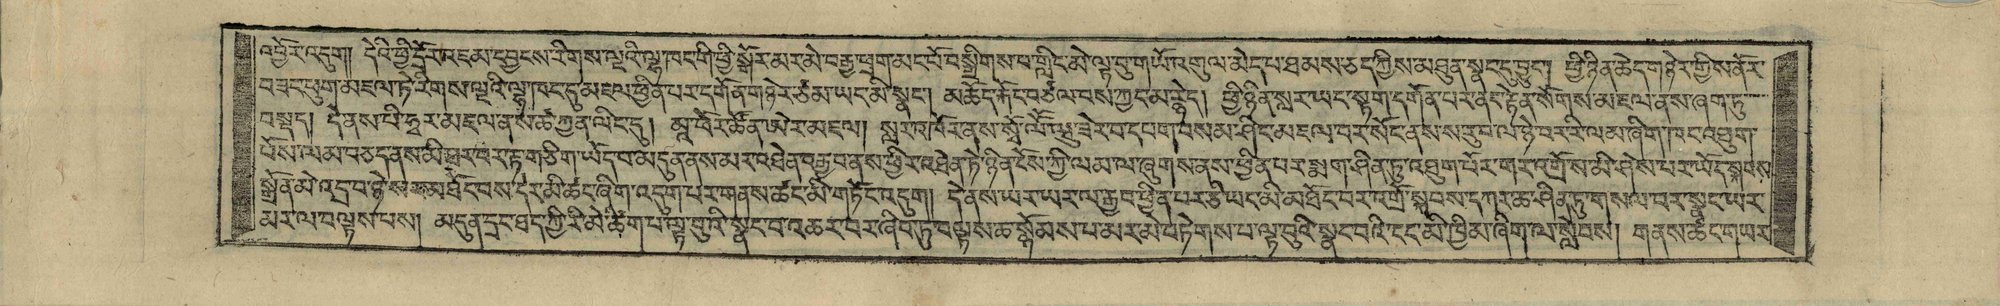འབྱོར་འདུག ། དེའི་ཕྱི་དྲོར་འཇམ་དབྱངས་རིགས་ལྔའི་ལྷ་ཁང་གི་ཕྱི་སྒོར་མར་མེ་བརྒྱ་ཕྲག་མང་པོ་བསྒྲིགས་པ་གླིང་མེ་ལྟ་བུ་གཡོ་འགུལ་མེད་པ་ཐམས་ཅད་ཀྱིས་མཐུན་སྣང་དུ་བྱུང་། ཕྱི་ཉིན་ཆེད་གཉེར་གྱིས་ནོར་
བཟང་ཕུག་མཇལ་ཏེ་རིགས་ལྔའི་ལྷ་ཁང་དུ་མཇལ་ཕྱིན་པར་དགོན་གཉེར་ཙམ་ཡང་མི་སྣང་། མཆོད་རྐོང་བཙལ་བས་ཀྱང་མ་རྙེད། ཕྱི་ཉིན་སླར་ཡང་སྟག་དགོན་པར་ནང་རྟེན་སོགས་མཇལ་ནས་ཞག་ཏུ་
བསྡད༑ དེ་ནས་པི་ཧྭར་མཇལ་ནས་ཚ་ཀྱན་ལིང་དུ། མཱ་ཕོར་ཚོན་ཨེར་མཇལ། སླར་འཁོར་ནས་སྭོ་ལཽ་ཝུ་ཟེར་བ་དཔག་བསམ་ཤིང་མཇལ་བར་སོང་ནས་ས་རུབ་ལ་ཉེ་བར་རི་ལམ་ཞིག་ཁང་འཐུག་
པོས་ལམ་བཅད་ནས་མི་ཐར་བར་རྟ་གཅིག་ཡོད་པ་མདུན་ནས་མར་འཐེན་བརྒྱབ་ནས་ཕྱིར་འཐེན་ཏེ་ཉིན་ངོས་ཀྱི་ལམ་ལ་ཞུགས་ནས་ཕྱིན་པར་སྨག་ཤིན་ཏུ་འཐུག་པོར་གར་འགྲོས་མི་ཤེས་པར་ཡོད་སྐབས་
སྒྲོན་མེ་འདྲ་བ་ཉེ་སར་མཐོང་བས་དེར་མི་ཚང་ཞིག་འདུག་པར་གནས་ཚང་མི་གཏོང་འདུག ། དེ་ནས་ཡར་ཡར་ལ་རྒྱབ་ཕྱིན་པར་ཅི་ཡང་མི་མཐོང་བར་འགྲོ་སྐབས་དཀར་ཆ་ཤིན་ཏུ་གསལ་བར་སྣང་ཡར་
མར་ལ་བལྟས་པས། མདུན་དྲང་ཐད་ཀྱི་རི་མེ་ཚིག་པ་ལྟ་བུའི་སྣང་བ་འཆར་བར་ཞིབ་ཏུ་བལྟས་ཆ་སྙོམས་པ་མར་མེ་བཏེགས་པ་ལྟ་བུའི་སྣང་བའི་ངང་མི་ཁྱིམ་ཞིག་ལ་སླེབས། གནས་ཚང་གཡར་